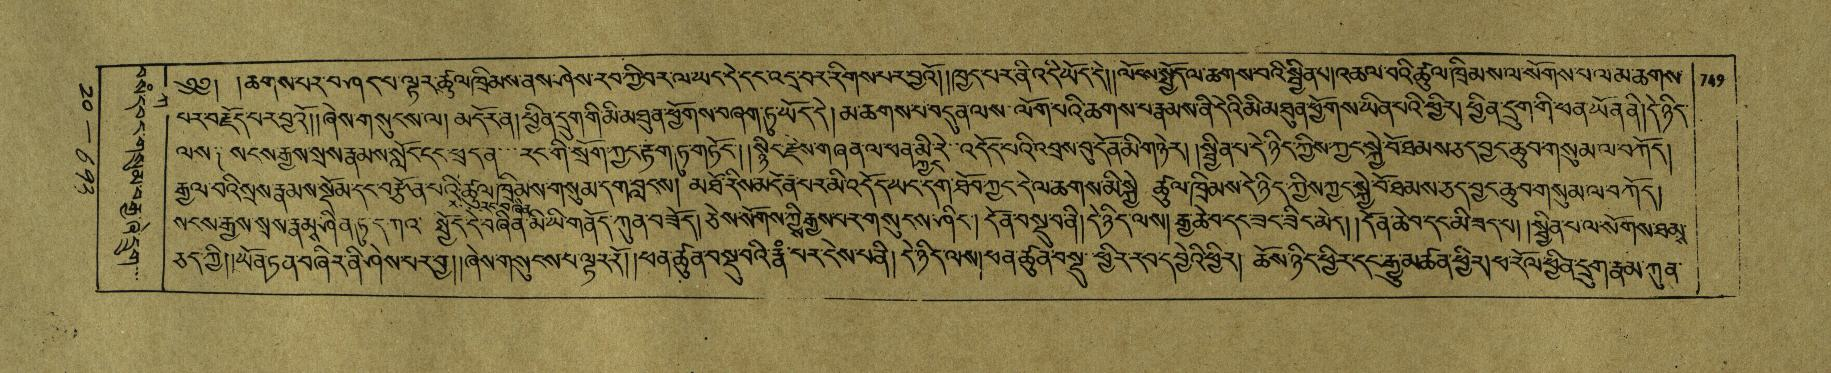༄༅། །ཅཿཨཱགས་པཱར་བཥཱཌ་པཱ་ལཊཱར་ཊསཱུལ་ཀཿརྀཾས་ཎཱས་ཥEས་རཱབ་ཀཡྀ་བར་ལ་ཡང་དེ་དང་འདྲ་བར་རིགས་པར་བྱའོ། །ཁྱད་པར་ནི་འདི་ཡོད་དེ། །ལོངས་སྤྱོད་ལ་ཆགས་བའི་སྦྱིན་པ། འཆལ་བའི་ཚུལ་ཁྲིམས་ལ་སོགས་པ་ལ་མ་ཆགས་
པར་བརྗོད་པར་བྱའོ། །ཞེས་གསུངས་ལ། མདོར་ན། ཕྱིན་དྲུག་གི་མི་མཐུན་ཕྱོགས་བཞག་ཏུ་ཡོད་དེ། མ་ཆགས་པ་བདུན་ལས་ལོག་པའི་ཆགས་པ་རྣམས་ནི་དེའི་མི་མཐུན་ཕྱོགས་ཡིན་པའི་ཕྱིར། ཕྱིན་དྲུག་གི་ཕན་ཡོན་ནི། དེ་ཉིད་
ལས༑ སངས་རྒྱས་སྲས་རྣམས་སློང་དང་ཕྲད་ན་རང་གི་སྲོག་ཀྱང་རྟག་ཏུ་གཏོང་། །སྙིང་རྗེས་གཞན་ལ་ཕན་ཀྱང་མི་རེ་འདོད་པའི་འབྲས་བུ་དོན་མི་གཉེར། །སྦྱིན་པ་དེ་ཉིད་ཀྱིས་ཀྱང་སྐྱེ་བོ་ཐམས་ཅད་བྱང་ཆུབ་གསུམ་ལ་བཀོད།
རྒྱལ་བའི་སྲས་རྣམས་སྡོམ་དང་བརྩོན་པའི་རང་བཞིན་ཚུལ་ཁྲིམས་གསུམ་དག་བླངས། མཐོ་རིས་མངོན་པར་མི་འདོད་ཡང་དག་ཐོབ་ཀྱང་དེ་ལ་ཆགས་མི་སྐྱེ་ཚུལ་ཁྲིམས་དེ་ཉིད་ཀྱིས་ཀྱང་སྐྱེ་བོ་ཐམས་ཅད་བྱང་ཆུབ་གསུམ་ལ་བཀོད།
སངས་རྒྱས་སྲས་རྣམས་ཤིན་ཏུ་དཀའ་སྤྱོད་དེ་བཞིན་མི་ཡི་གནོད་ཀུན་བཟོད། ཅེས་སོགས་ཀྱིས་རྒྱས་པར་གསུངས་ཤིང་། དོན་བསྡུ་བ་ནི། དེ་ཉིད་ལས། རྒྱ་ཆེ་བ་དང་ཟང་ཟིང་མེད། །དོན་ཆེ་བ་དང་མི་ཟད་པ། །སྦྱིན་པ་ལ་སོགས་ཐམས་
ཅད་ཀྱི། །ཡོན་ཏན་བཞིར་ནི་ཤེས་པར་བྱ། །ཞེས་གསུངས་པ་ལྟར་རོ། །ཕན་ཚུན་བསྡུ་བའི་རྣཾ་པར་ངེས་པ་ནི། དེ་ཉིད་ལས། ཕན་ཚུན་བསྡུ་ཕྱིར་རབ་དབྱེའི་ཕྱིར། ཆོས་ཉིད་ཕྱིར་དང་རྒྱུ་མཚན་ཕྱིར། ཕ་རོལ་ཕྱིན་དྲུག་རྣམ་ཀུན་